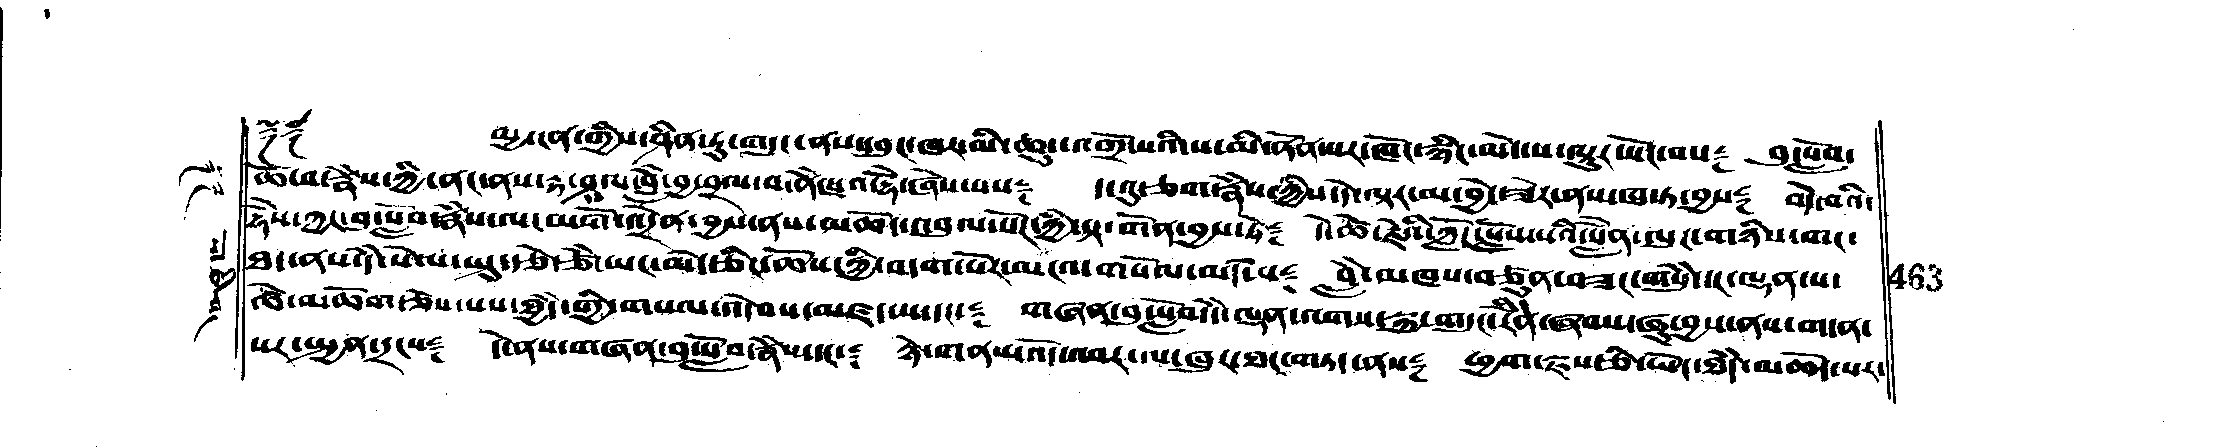མྱ་ངན་གྱིས་ཤིན་ཏུ་གདུང་ནས་དབུགས་ཁར་མི་ཆུད་འགྲོ་སའི་ས་མི་ནོན་པར་ཁོང་སྙིང་མེད་པ་ལྟ་བུར་སོང་བས། བུ་སློབ་
ཆེ་བ་རྣམས་ཀྱི་ནང་ནས་ལྟ་ཤུལ་བླ་མ་བྱ་བྲལ་བ་ནམ་མཁའ་རྡོ་རྗེ་ཞེས་པས། ད་འུ་ཅག་རྣམས་ཀྱིས་དེ་ལྟར་མ་བྱེད་ཟེར་ནས་ཁ་ཏ་བྱས། བདེ་བའི་
རྡོ་རྗེས་ཀྱང་བུ་སློབ་རྣམས་ལ་མགོ་འདྲེན་བྱས་ནས་མཆོད་འབུལ་སོགས་ཀྱིས་ཏ་གོན་བྱས་ཏེ། དེ་ཚེ་རྗེའི་ཀློག་སློབ་པའི་སློབ་དཔོན་ལུགས་གཉིས་གང་
ཐད་ནས་དམ་སེལ་སྤུ་རྩེ་ཙམ་ཡང་མེད་ཅིང་ཆོས་ཀྱི་བདག་པོར་མངའ་གསོལ་མཛད་པ། བླ་མ་མཁས་བཙུན་བཟང་གསུམ་དང་ལྡན་པ་
ཆེ་མཆོག་གཙོས་པས་ཐུགས་དམ་གྱི་གསལ་འདེབས་མཛད་པ་དང་། གཞན་བུ་སློབ་དམ་ལྡན་འགས་སྐུ་གདུང་རིན་པོ་ཆེ་ཞབས་ཞུ་བྱས་ནས་གདན་
སར་སྤྱན་དྲངས། དེ་ནས་གཞན་བུ་སློབ་རྣམས་དང་། ཉེ་གནས་འོད་འབར་ལ་ཁུར་ཐང་གཏད་ནས། ཕྱག་རྫས་ཅི་ཡོད་ཐམས་ཅད་མཆོད་པར་